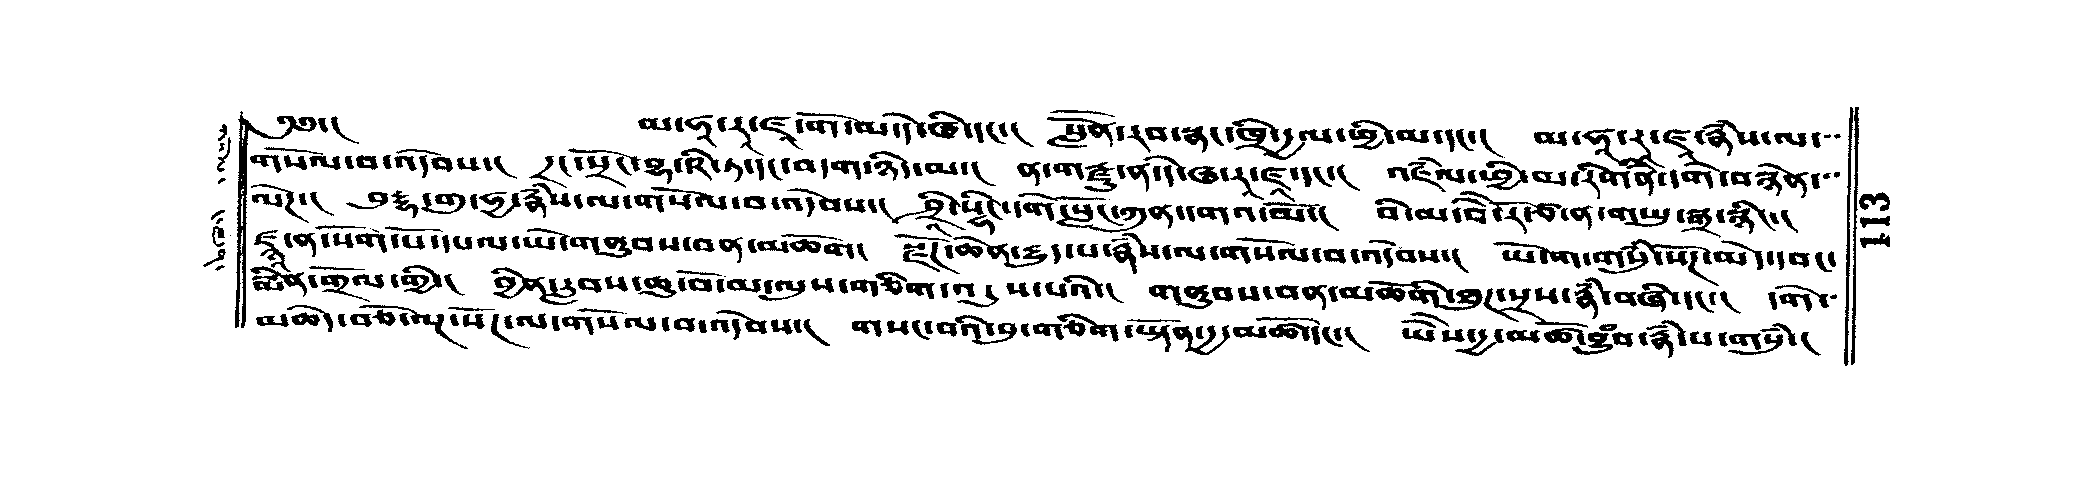།མ་ཧཱ་རཱ་ཛཱ་གོ་མ་དེ་ཝི་དང་། །སློབ་དཔོན་རབ་སྣང་ཁྱི་རྒྱལ་ཕྱི་མ་དང་། །མ་ཧཱ་རཱ་ཛཱ་རྣམས་ལ་
གསོལ་བ་འདེབས། །དྲང་སྲོང་བྷ་རི་ཏ་དང་བདག་ཉིད་མ། །ན་གརྫུ་ན་དེ་ཝ་རཱ་ཛཱ་དང་། །འཇམ་དཔལ་ཕྱི་མ་རིག་འཛིན་དགེ་བསྙེན་
ལེགས། །བུདྡྷ་གུ་ཧྱ་རྣམས་ལ་གསོལ་བ་འདེབས། །ཤྲཱི་སིངྷ་དགེ་སློང་ཀུན་དགའ་མོ། །བི་མ་བཻ་རོ་ཙ་ན་གཡུ་སྒྲ་སྙིང་། །
ཛྙཱ་ན་སོག་པོ་དཔལ་ཡེ་གནུབས་བན་མཆོག།རྫོགས་ཆེན་རྒྱུད་པ་རྣམས་ལ་གསོལ་བ་འདེབས། །ཡོ་ག་གསུམ་སོགས་མདོ་དབང་
སྨིན་གྲོལ་གྱི། །བྱིན་རླབས་ཆུ་བོ་མ་ལུས་གཅིག་འདུས་པའི། །གནུབས་བན་མཆོག་གི་ཐུགས་སྲས་རྣམ་བཞི་དང་། །དགེ་
མཆེད་བཅོ་ལྔ་སོགས་ལ་གསོལ་བ་འདེབས། །གསང་བའི་བུ་གཅིག་ཡོན་ཏན་རྒྱ་མཚོ་དང་། །ཡེ་ཤེས་རྒྱ་མཚོ་བྱང་ཆུབ་རྣམ་པ་གསུམ།